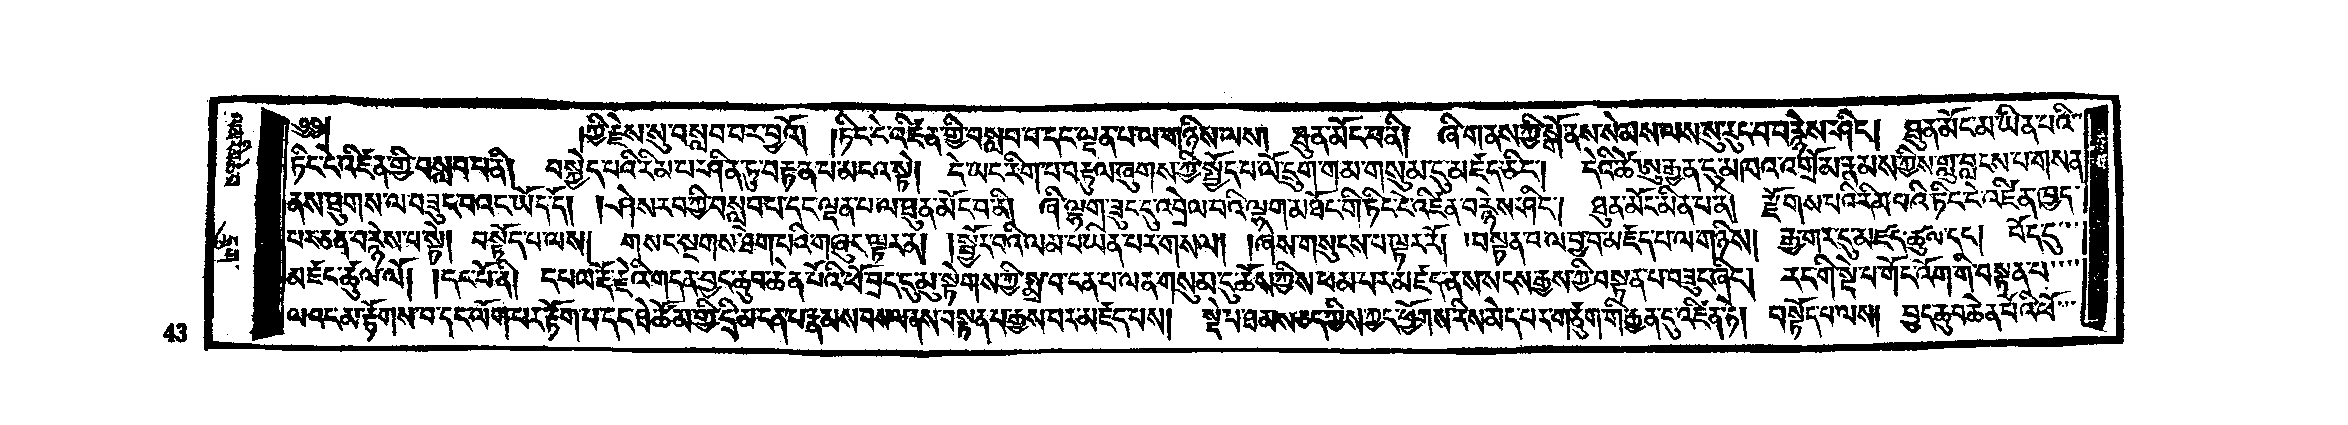༄༅། །ཀྱི་རྗེས་སུ་བསླབ་པར་བྱའོ། །ཏིང་ངེ་འཛིན་གྱི་བསླབ་པ་དང་ལྡན་པ་ལ་གཉིས་ལས། ཐུན་མོང་བ་ནི། ཞི་གནས་ཀྱི་སྒོ་ནས་སེམས་ལས་སུ་རུང་བ་བརྙེས་ཤིང་། ཐུན་མོང་མ་ཡིན་པའི་
ཏིང་ངེ་འཛིན་གྱི་བསླབ་པ་ནི། བསྐྱེད་པའི་རིམ་པ་ཤིན་ཏུ་བརྟན་པ་མངའ་སྟེ། དེ་ཡང་རིག་པ་བརྟུལ་ཞུགས་ཀྱི་སྤྱོད་པ་ལོ་དྲུག་གམ་གསུམ་དུ་མཛད་ཅིང་། དེའི་ཚེ་ཨུ་རྒྱན་དུ་མཁའ་འགྲོ་མ་རྣམས་ཀྱིས་གླུ་བླངས་པ་གསན་
ནས་ཐུགས་ལ་བཟུང་བའང་ཡོད་དོ། །ཤེས་རབ་ཀྱི་བསླབ་པ་དང་ལྡན་པ་ལ་ཐུན་མོང་བ་ནི། ཞི་ལྷག་ཟུང་དུ་འབྲེལ་བའི་ལྷག་མཐོང་གི་ཏིང་ངེ་འཛིན་བརྙེས་ཤིང་། ཐུན་མོང་མིན་པ་ནི། རྫོགས་པའི་རིམ་པའི་ཏིང་ངེ་འཛིན་ཁྱད་
པར་ཅན་བརྙེས་པ་སྟེ། བསྟོད་པ་ལས། གསང་སྔགས་ཐེག་པའི་གཞུང་ལྟར་ན། །སྦྱོར་བའི་ལམ་པ་ཡིན་པར་གསལ། །ཞེས་གསུངས་པ་ལྟར་རོ། །བསྟན་པ་ལ་བྱ་བ་མཛད་པ་ལ་གཉིས། རྒྱ་གར་དུ་མཛད་ཚུལ་དང་། བོད་དུ་
མཛད་ཚུལ་ལོ། །དང་པོ་ནི། དཔལ་རྡོ་རྗེའི་གདན་བྱང་ཆུབ་ཆེན་པོའི་ཕོ་བྲང་དུ་མུ་སྟེགས་ཀྱི་སྨྲ་བ་ངན་པ་ལན་གསུམ་དུ་ཆོས་ཀྱིས་ཕམ་པར་མཛད་ནས་སངས་རྒྱས་ཀྱི་བསྟན་པ་བཟུང་ཞིང་། རང་གི་སྡེ་པ་གོང་འོག་གི་བསྟན་པ་
ལའང་མ་རྟོགས་པ་དང་ལོག་པར་རྟོག་པ་དང་ཐེ་ཚོམ་གྱི་དྲི་མ་ངན་པ་རྣམས་བསལ་ནས་བསྟན་པ་རྒྱས་པར་མཛད་པས། སྡེ་པ་ཐམས་ཅད་ཀྱིས་ཀྱང་ཕྱོགས་རིས་མེད་པར་གཙུག་གི་རྒྱན་དུ་འཛིན་ཏེ། བསྟོད་པ་ལས། བྱང་ཆུབ་ཆེན་པོའི་ཕོ་